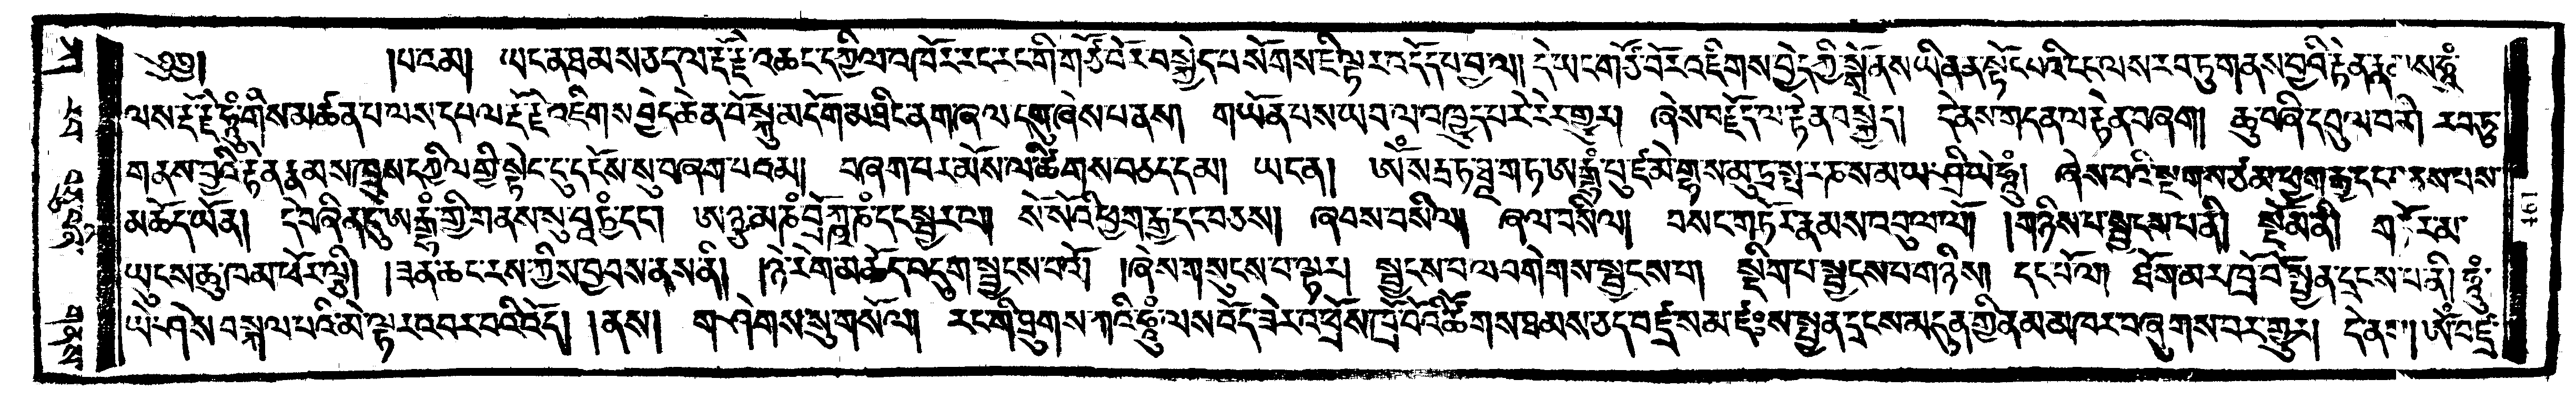༄༅། །པའམ། ཡང་ན་ཐམས་ཅད་ལ་རྡོ་རྗེ་འཆང་དཀྱིལ་འཁོར་རང་རང་གི་གཙོ་བོར་བསྐྱེད་པ་སོགས་ཇི་ལྟར་འདོད་པ་བྱ་ལ། དེ་ཡང་གཙོ་བོར་འཇིགས་བྱེད་ཀྱི་སྒོ་ནས་ཡིན་ན་སྟོང་པའི་དང་ལས་རབ་ཏུ་གནས་བྱའི་རྟེན་རྣམས་ཧཱུཾ་
ལས་རྡོ་རྗེ་ལྷུཾ་གིས་མཚན་པ་ལས་དཔལ་རྡོ་རྗེ་འཇིགས་བྱེད་ཆེན་པོ་སྐུ་མདོག་མཐིང་ནག་ཞལ་དགུ་ཞེས་པ་ནས། གཡོན་པས་ཡབ་ལ་འཁྱུད་པ་རེ་རེར་གྱུར། ཞེས་བརྗོད་ལ་རྟེན་བསྐྱེད། དེ་ནས་གདན་ལ་རྟེན་བཞག །ཆུ་བཞི་དབུལ་བ་རེ། རབ་ཏུ་
གནས་བྱའི་རྟེན་རྣམས་ཁྲུས་དཀྱིལ་གྱི་སྟེང་དུ་དངོས་སུ་བཞག་པའམ། བཞག་པར་མོས་ལ་ཚིགས་བཅད་དམ། ཡང་ན། ཨོཾ་སརྦ་ཏ་ཐཱ་ག་ཏ་ཨརྒྷཾ་པུ་ཛ་མེ་གྷ་ས་མུ་ཏྲ་སྤར་ན་ས་མ་ཡ་ཤྲི་ཡེ་ཧཱུཾ། ཞེས་པའི་སྔགས་ཙམ་ཕྱག་རྒྱ་དང་པ་ཅས་པས་
མཆོད་ཡོན། དེ་བཞིན་དུ་ཨརྒྷཾ་གྱི་གནས་སུ་བཱ་ཏྱཾ་དང་། ཨ་ཉྩ་མ་ཎཾ་བྲོ་ཀྵ་ཎཾ་དང་སྦྱར་ལ། སོ་སོའི་ཕྱག་རྒྱ་དང་བཅས། ཞབས་བསིལ། ཞལ་བསིལ། བསང་གཏོར་རྣམས་འབུལ་ལོ། །གཉིས་པ་སྦྱངས་པ་ནི། སྡོམ་ནི། གཏོར་མ་
ཡུངས་ཆུ་ཁམ་ཕོར་ལྕི། །ཟན་ཆང་རས་ཀྱིས་བྱ་བས་ནས་ནི། །ཉེ་རེག་མཆོད་བདུག་སྦྱངས་པའོ། །ཞེས་གསུངས་པ་ལྟར། སྦྱངས་བལ་བགེགས་སྦྱངས་པ། སྡིག་པ་སྦྱངས་པ་གཉིས། དང་པོ་ལ། ཐོག་མར་ཁྲོ་བོ་སྤྱན་དྲངས་པ་ནི། ཧཱུཾ་
ཡེ་ཤེས་བསྐལ་པའི་མེ་ལྟར་འབར་བའི་འོད། །ནས། གཤེགས་སུ་གསོལ། རང་གི་ཐུགས་ཀའི་ཧཱུཾ་ལས་འོད་ཟེར་འཕྲོས་ཁྲོ་བོའི་ཚོགས་ཐམས་ཅད་བཛྲ་སམ་ཛཿ ས་སྤྱན་དྲངས་མདུན་གྱི་ནམ་མཁར་བཞུགས་པར་གྱུར། དེ་ནས། ཨོཾ་བཛྲ་